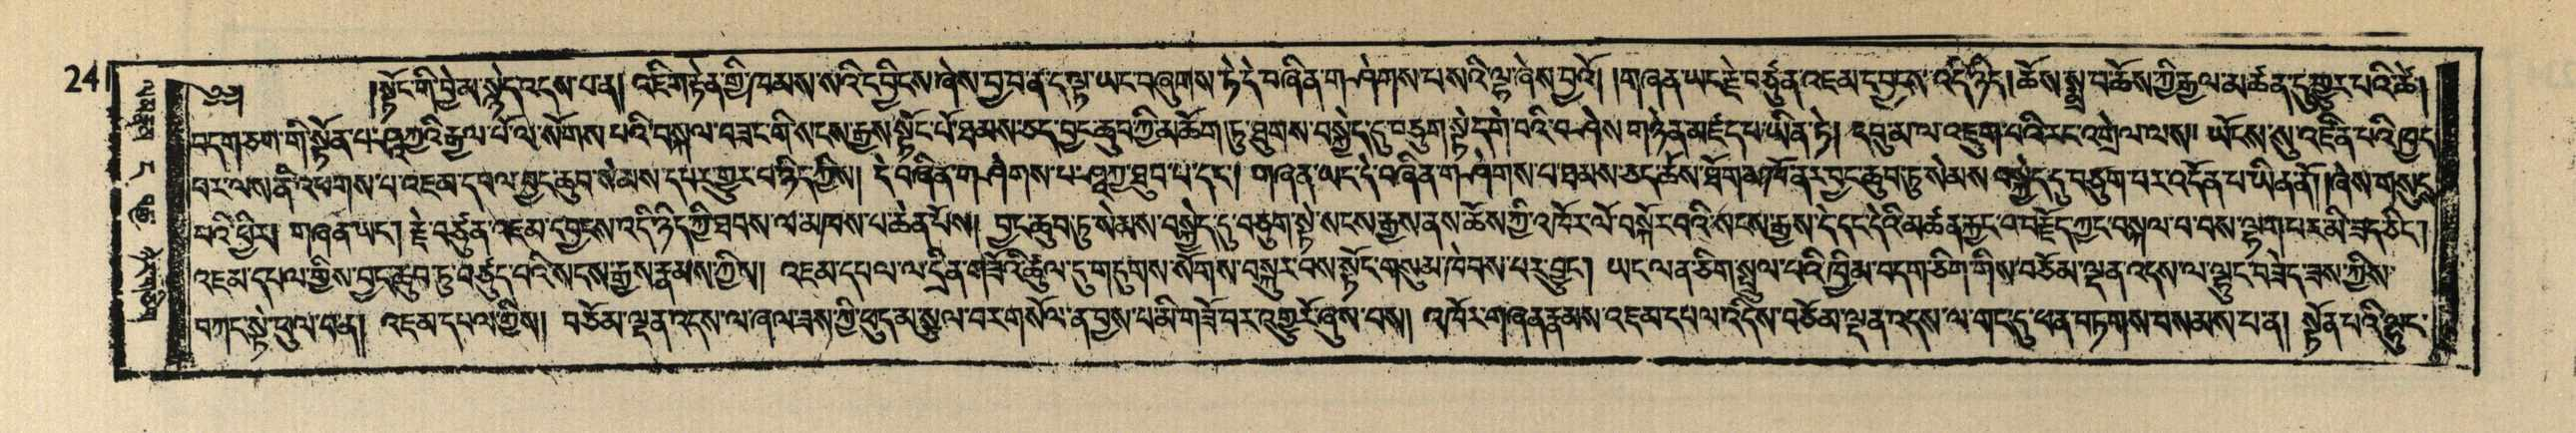༄༅། །སྟོང་གི་བྱེ་མ་སྙེད་འདས་པ་ན། འཇིག་རྟེན་གྱི་ཁམས་སའི་དབྱིངས་ཞེས་བྱ་བ་ན་ད་ལྟ་ཡང་བཞུགས་ཏེ་དེ་བཞིན་གཤེགས་པ་སའི་ལྷ་ཞེས་བྱའོ། །གཞན་ཡང་རྗེ་བཙུན་འཇམ་དབྱངས་འདི་ཉིད། ཆོས་སྨྲ་བ་ཆོས་ཀྱི་རྒྱལ་མཚན་དུ་གྱུར་པའི་ཚེ།
བདག་ཅག་གི་སྟོན་པ་ཤཱཀྱའི་རྒྱལ་པོ་ལ་སོགས་པའི་བསྐལ་བཟང་གི་སངས་རྒྱས་སྟོང་པོ་ཐམས་ཅད་བྱང་ཆུབ་ཀྱི་མཆོག་ཏུ་ཐུགས་བསྐྱེད་དུ་བཅུག་སྟེ་དགེ་བའི་བཤེས་གཉེན་མཛད་པ་ཡིན་ཏེ། དབུ་མ་ལ་འཇུག་པའི་རང་འགྲེལ་ལས། ཡོངས་སུ་འཛིན་པའི་ཁྱད་
བར་ལས་ནི་འཕགས་པ་འཇམ་དབལ་བྱང་ཆུབ་སེམས་དཔར་གྱུར་བ་ཉིད་ཀྱིས། དེ་བཞིན་གཤེགས་པ་ཤཱཀྱ་ཐུབ་པ་དང་། གཞན་ཡང་དེ་བཞིན་གཤེགས་པ་ཐམས་ཅད་ཆོས་ཐོག་མཁོ་ནར་བྱང་ཆུབ་ཏུ་སེམས་བསྐྱེད་དུ་བཙུག་པར་འདོན་པ་ཡིན་ནོ། །ཞེས་གསུངས་
པའི་ཕྱིར། གཞན་ཡང་། རྗེ་བཙུན་འཇམ་དབྱངས་འདི་ཉིད་ཀྱི་ཐབས་ལ་མཁས་པ་ཆེན་པོ། བྱང་ཆུབ་ཏུ་སེམས་བསྐྱེད་དུ་བཅུག་སྟེ་སངས་རྒྱས་ནས་ཆོས་ཀྱི་འཁོར་ལོ་བསྐོར་བའི་སངས་རྒྱས་དེ་དང་དེའི་མཚན་རྐྱང་བ་བརྗོད་ཀྱང་བསྐལ་བ་བས་ལྷག་པར་མི་ཟད་ཅིང་།
འཇམ་དཔལ་གྱིས་བྱང་ཆུབ་ཏུ་བཙུད་པའི་སངས་རྒྱས་རྣམས་ཀྱིས། འཇམ་དཔལ་ལ་དྲིན་གཟོའི་ཚུལ་དུ་གདུགས་སོགས་བསྐུར་བས་སྟོང་གསུམ་ཁེབས་པར་བྱུང་། ཡང་ལན་ཅིག་སྤྲུལ་པའི་ཁྱིམ་བདག་ཅིག་གིས་བཅོམ་ལྡན་འདས་ལ་ལྷུང་བཟེད་ཟས་ཀྱིས་
བཀང་སྟེ་ཕུལ་བ་ན། འཇམ་དཔལ་གྱིས། བཅོམ་ལྡན་འདས་ལ་ཞལ་ཟས་ཀྱི་ཕུང་མ་སྩལ་བར་གསོལ་ན་བྱས་པ་མི་གཟོ་བར་འགྱུར་རོ་ཞུས་བས། འཁོར་གཞན་རྣམས་འཇམ་དཔལ་འདིས་བཅོམ་ལྡན་འདས་ལ་གང་དུ་ཕན་བཏགས་བསམས་པ་ན། སྟོན་པའི་ལྷུང་